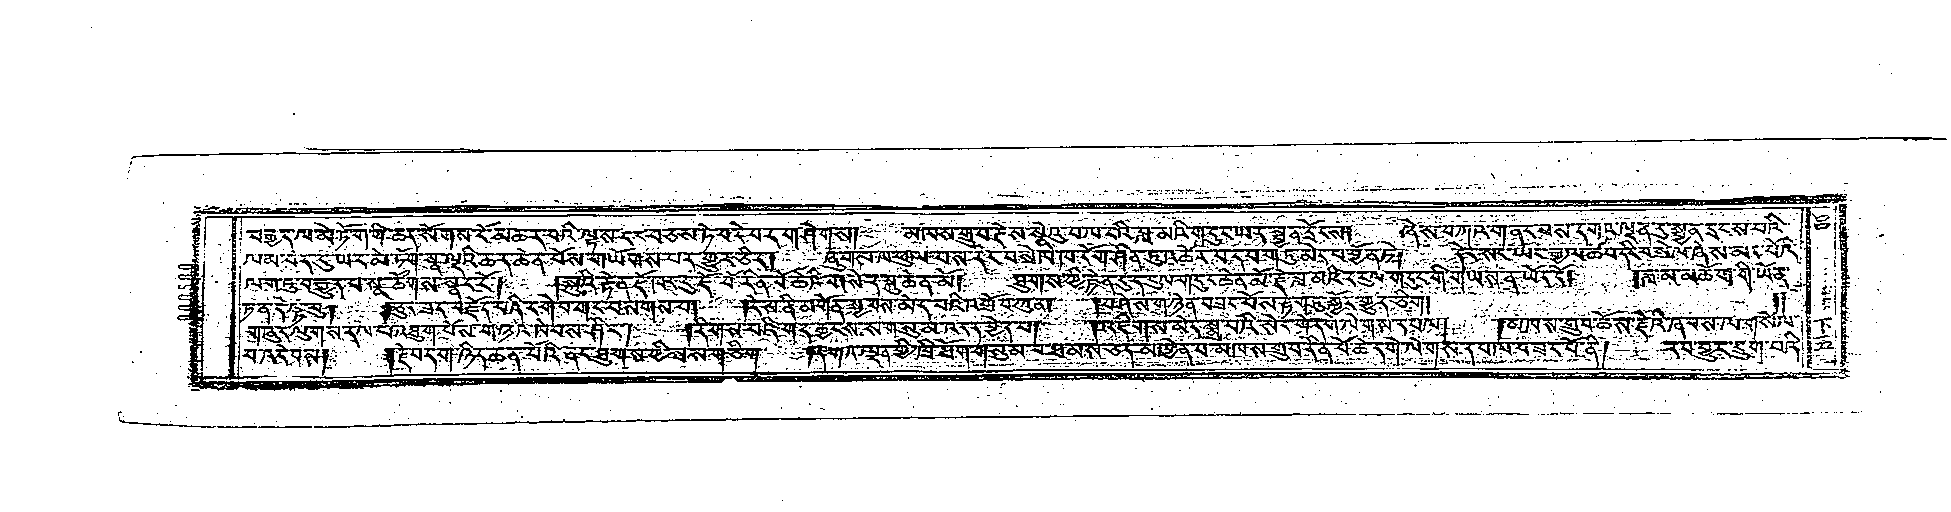བརྒྱད་ལ་མེ་ཏོག་གི་ཆད་སོགས་ངོ་མཚར་བའི་ལྟས་དང་བཅས་ཏེ་བདེ་བར་གཤེགས། མཁས་གྲུབ་རྗེས་སྣེའུ་བ་ལ་ངའི་བླ་མའི་གདུང་ཡང་སྤྱན་དྲོངས། ཞེས་བཀའ་གནང་བས་དགའ་ལྡན་དུ་སྤྱན་དྲངས་པའི་
ལམ་བར་དུ་ཡང་མེ་ཏོག་སྣ་ལྔའི་ཆར་ཆེན་པོས་གཡོགས་པར་གྱུར་ཅིང་། ཞུགས་ལ་ཕུལ་བས་རིང་བསྲེ་ཁེ་ཁ་དོག་ཤིན་ཏུ་འཚེར་བ་དཔག་ཏུ་མེད་པ་བྱོན་ཏེ། དེང་སང་ཡང་རྒྱལ་ཚབ་རིང་བསྲེལ་ཞེས་མང་པོའི་
ལག་ཏུ་བརྒྱུད་པ་སྣ་ཚོགས་སྣང་ངོ། །སྐུའི་རྟེན་ཇོ་ཁང་དུ་ཇོ་བོ་རིན་པོ་ཆེའི་གསེར་སྐུ་ཆེན་མོ། ཐུགས་ཀྱི་རྟེན་དུ་དངུལ་གདུང་ཆེན་མོ་རྗེ་བླ་མའི་གདུང་གི་གཡས་ན་ཡོད་དོ། །བླ་མ་མཆོག་གི་ཡོན་
ཏན་དེ་ལྟ་བུ། །ཅུང་ཟད་བརྗོད་པའི་དགེ་བ་གང་བསགས་པ། །དེས་ནི་མགོན་སྐྱབས་མེད་པའི་འགྲོ་བ་ཀུན། །བཤེས་གཉེན་བཟང་པོས་རྟག་ཏུ་སྐྱོང་གྱུར་ཅིག། །།
གཞུང་ལུགས་རལ་པ་འཐུག་པོས་གཉའ་ཁེབས་ཤིང་། །རིགས་པའི་གད་ཨོརྒྱངས་ས་གསུམ་འདར་བྱེད་པ། །འཇིགས་མེད་སྨྲ་བའི་སེང་གེ་དགེ་ལེགས་དཔལ། །མཁས་གྲུབ་ཆོས་རྗེའི་ཞབས་ལ་གསོལ་
བ་འདེབས། །རྗེ་བདག་ཉིད་ཆེན་པོའི་ནང་ཐུགས་ཀྱི་སྲས་གཅིག །དགའ་ལྡན་གྱི་ཁྲི་ཐོག་གསུམ་པ་ཐམས་ཅད་མཁྱེན་པ་མཁས་གྲུབ་རིན་པོ་ཆེ་དགེ་ལེགས་དཔལ་བཟང་པོ་ནི། རབ་བྱུང་དྲུག་པའི་